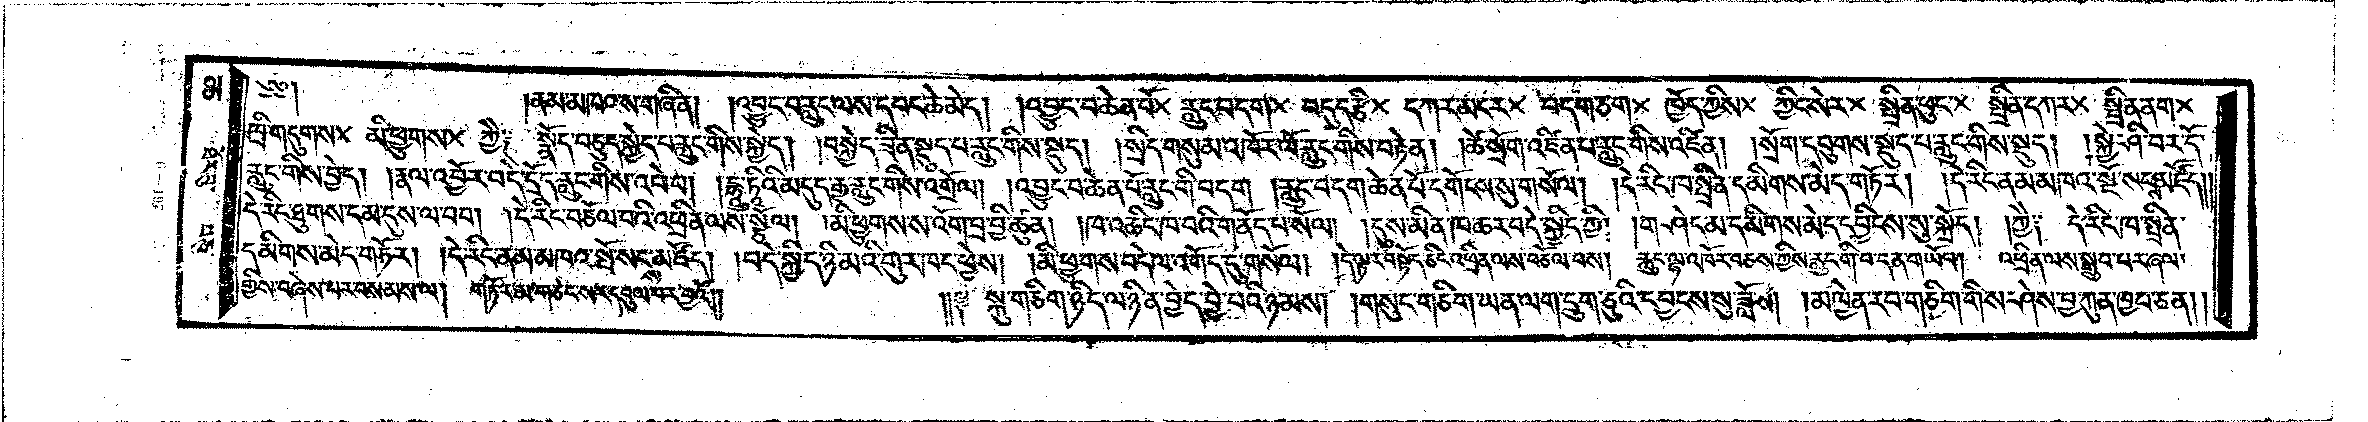༄༅། །ནམ་མཁའ་ས་གཞིན། །འབྱུང་བ་རླུང་ལས་དབང་ཆེ་མེད། །འབྱུང་བ་ཆེན་པོ་྾་རླུང་བདག་྾་བདུད་རྩི་྾་དཀར་མངར་྾་བདག་ཅག་྾་ཁྱོད་ཀྱིས་྾་ཀྱིང་སེར་྾་སྤྲིན་ཕུང་྾་སྤྲིན་དཀར་྾་སྤྲིན་ནག་྾་
ཁྲི་གདུགས་྾་མི་ཕྱུགས་྾་ཀྱཻ༑ སྣོད་བཅུད་སྐྱེད་པ་རླུང་གིས་སྐྱེད། །བསྐྱེད་ཟིན་སྡུད་པ་རླུང་གིས་སྡུད། །སྲིད་གསུམ་འཁོར་ལོ་རླུང་གིས་བརྟེན། །ཚེ་སྲོག་འཛིན་པ་རླུང་གིས་འཛིན། །སྲོག་དབུགས་སྡུད་པ་རླུང་གིས་སྡུད། །སྐྱེ་ཤི་བར་དོ་
རླུང་གིས་བྱེད། །རྣལ་འབྱོར་བདེ་དྲོད་རླུང་གིས་འབེབ། །དྷཱུ་ཏཱིའི་མདུད་རྒྱ་རླུང་གིས་འགྲོལ། །འབྱུང་བ་ཆེན་པོ་རླུང་གི་བདག །རླུང་བདག་ཆེན་པོ་དགོངས་སུ་གསོལ། །དེ་རིང་ཁ་སྤྲིན་དམིགས་མེད་གཏོར། །དེ་རིང་ནམ་མཁའ་སྔོ་སངས་མཛོད། །
དེ་རིང་ཐུགས་དམ་དུས་ལ་བབ། །དེ་རིང་བཅོལ་བའི་འཕྲིན་ལས་སྩོལ། །མི་ཕྱུགས་ས་འོག་བྲ་བྱི་ཚུན། །ཁ་འཆིང་ཁ་བའི་གནོད་པ་སོལ། །དུས་མིན་ཁ་ཆར་བདེ་སྐྱིད་ཀྱུཨི། །གཤེད་མ་དམིགས་མེད་དབྱིངས་སུ་སྐྲོད། །ཀྱཻ༑ དེ་རིང་ཁ་སྤྲིན་
དམིགས་མེད་གཏོར། །དེ་རིང་ནམ་མཁའ་སྤོས་སངས་མཛོད། །བདེ་སྐྱིད་ཉི་མའི་གུར་ཁང་ཕྱེས། །མི་ཕྱུགས་བདེ་ལ་འགོད་དུ་གསོལ། །དེ་ལྟར་བསྟོད་ཅིང་འཕྲིན་ལས་བཅོལ་བས། རླུང་ལྷ་འཁོར་བཅས་ཀྱིས་རླུང་གི་བ་དན་གཡོབ། འཕྲིན་ལས་སྒྲུབ་པར་ཞལ་
གྱིས་བཞེས་པར་བསམས་ལ། གཏོར་མ་གཙང་སར་དབུལ་བར་བྱའོ།། །།༈ སྐུ་གཅིག་ཉིད་ལ་ཉིན་བྱེད་བྱེ་བའི་ཉམས། །གསུང་གཅིག་ཡན་ལག་དྲུག་ཅུའི་དབྱངས་སུ་ཟློས། །མཁྱེན་རབ་གཅིག་གིས་ཤེས་བྱ་ཀུན་ཁྱབ་ཅན། །